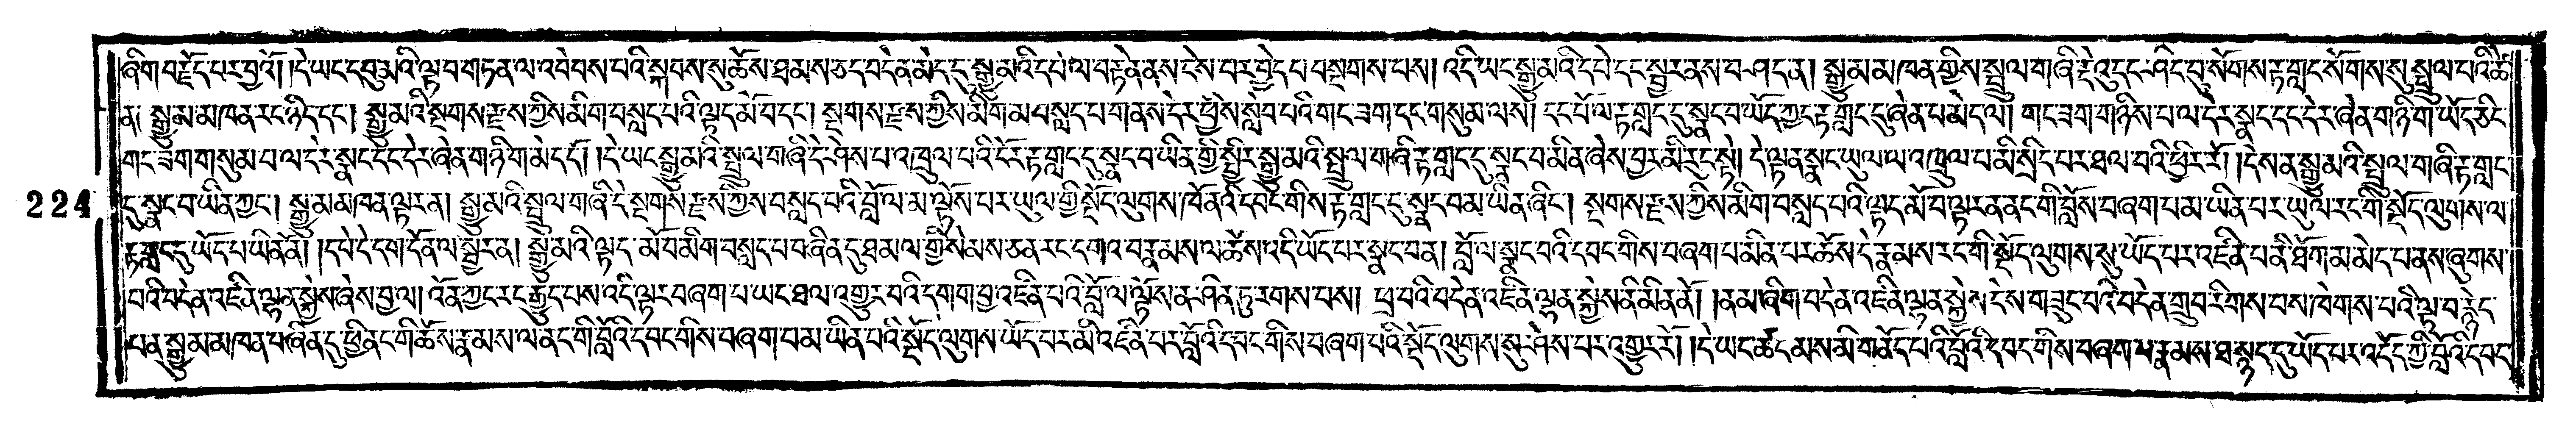ཞིག་བརྗོད་པར་བྱའོ། །དེ་ཡང་དབུ་མའ་ལྟ་བ་གཏན་ལ་འབེབས་པའི་སྐབས་སུ་ཆོས་ཐམས་ཅད་བདེན་མེད་དུ་སྒྱུ་མའི་དཔེ་ལ་བརྟེན་ནས་ངེས་པར་བྱེད་པ་བསྔགས་པས། འདི་ཡང་སྒྱུ་མའི་དཔེ་དང་སྦྱར་ནས་བཤད་ན། སྒྱུ་མ་མཁན་གྱིས་སྦྲུལ་གཞི་རྡེའུ་དང་ཤིང་བུ་སོགས་རྟ་གླང་སོགས་སུ་སྤྲུལ་པའི་ཚེ་
ན༑ སྒྱུ་མ་མཁན་རང་ཉིད་དང་། སྒྱུ་མའི་སྔགས་རྫས་ཀྱིས་མིག་བསླང་པའི་ལྟད་མོ་བ་དང་། སྔགས་རྫས་ཀྱིས་མིག་མ་བསླད་པ་གནས་དེར་ཕྱིས་སླེབ་པའི་གང་ཟག་དང་གསུམ་ལས། དང་པོ་ལ་རྟ་གླང་དུ་སྣང་བ་ཡོད་ཀྱང་རྟ་གླང་དུ་ཞེན་པ་མེད་ལ། གང་ཟག་གཉིས་པ་ལ་དེར་སྣང་དང་དེར་ཞེན་གཉི་ག་ཡོད་ཅིང་
གང་ཟག་གསུམ་པ་ལ་དེར་སྣང་དང་དེར་ཞེན་གཉི་ག་མེད་དོ། །དེ་ཡང་སྒྱུ་མའི་སྤྲུལ་གཞི་དེ་ཤེས་པ་འཁྲུལ་པའི་ངོར་རྟ་གླང་དུ་སྣང་བ་ཡིན་གྱི་སྤྱིར་སྒྱུ་མའི་སྤྲུལ་གཞི་རྟ་གླང་དུ་སྣང་བ་མིན་ཞེས་བྱར་མི་རུང་སྟེ། དེ་ལྟ་ན་སྣང་ཡུལ་ལ་འཁྲུལ་པ་མི་སྲིད་པར་ཐལ་བའི་ཕྱིར་རོ། །དེས་ན་སྒྱུ་མའི་སྤྲུལ་གཞི་རྟ་གླང་
དུ་སྣང་བ་ཡིན་ཀྱང་། སྒྱུ་མ་མཁན་ལྟར་ན། སྒྱུ་མའི་སྤྲུལ་གཞི་དེ་སྔགས་རྫས་ཀྱིས་བསླད་པའི་བློ་ལ་མ་ལྟོས་པར་ཡུལ་གྱི་སྤོང་ལུགས་ཁོ་ནའི་དབང་གིས་རྟ་གླང་དུ་སྣང་བ་མ་ཡིན་ཞིང་། སྔགས་རྫས་ཀྱིས་མིག་བསླད་པའི་ལྷད་མོ་བ་ལྟར་ན་ནང་གི་བློས་བཞག་པ་མ་ཡིན་པར་ཡུལ་རང་གི་སྡོད་ལུགས་ལ་
རྟ་གླང་དུ་ཡོད་པ་ཡིན་ནོ། །དཔེ་དེ་དག་དོན་ལ་སྦྱར་ན། སྒྱུ་མའི་ལྟད་མོ་བ་མིག་བསླད་པ་བཞིན་དུ་ཐ་མལ་གྱི་སེམས་ཅན་རང་དགའ་བ་རྣམས་ལ་ཆོས་འདི་ཡོང་པར་སྣང་བ་ན། བློ་ལ་སྣང་བའི་དབང་གིས་བཞག་པ་མིན་པར་ཆོས་དེ་རྣམས་རང་གི་སྡོད་ལུགས་སུ་ཡོད་པར་འཛིན་པ་ནི་ཐོག་མ་མེད་པ་ནས་ཞུགས་
བའི་བདེན་འཛིན་ལྷན་སྐྱེས་ཞེས་བྱ་ལ། འོན་ཀྱང་རང་རྒྱུད་པས་འདི་ལྟར་བཞག་པ་ཡང་ཐལ་འགྱུར་བའི་དགག་བྱ་འཛིན་བའི་བློ་ལ་ལྟོས་ན་ཤིན་ཏུ་དགས་?་བས། ཕྲ་བའི་བདེན་འཛིན་ལྷན་སྐྱེས་ནི་མིན་ནོ། །ནམ་ཞིག་བདེན་འཛིན་ལྷན་སྐྱེས་ངེས་གཟུང་བའི་བདེན་གྲུབ་རིགས་བས་ཁེགས་པའི་ལྟ་བརྙེད་
པ་ན་སྒྱུ་མ་མཁན་བཞིན་དུ་ཕྱི་ནང་གི་ཆོས་རྣམས་ལ་ནང་གི་བློའི་དབང་གིས་བཞག་པ་མ་ཡིན་པའི་སྡོད་ལུགས་ཡོད་པར་མི་འཛིན་པར་བློའི་དབང་གིས་བཞག་པའི་སྡོད་ལུགས་སུ་ཤེས་པར་འགྱུར་རོ། །དེ་ཡང་ཚད་མས་མི་གནོད་པའི་བློའི་དབང་གིས་བཞག་པ་རྣམས་ཐ་སྙད་དུ་ཡོད་པར་འདོད་ཀྱི་བློའི་དབང་